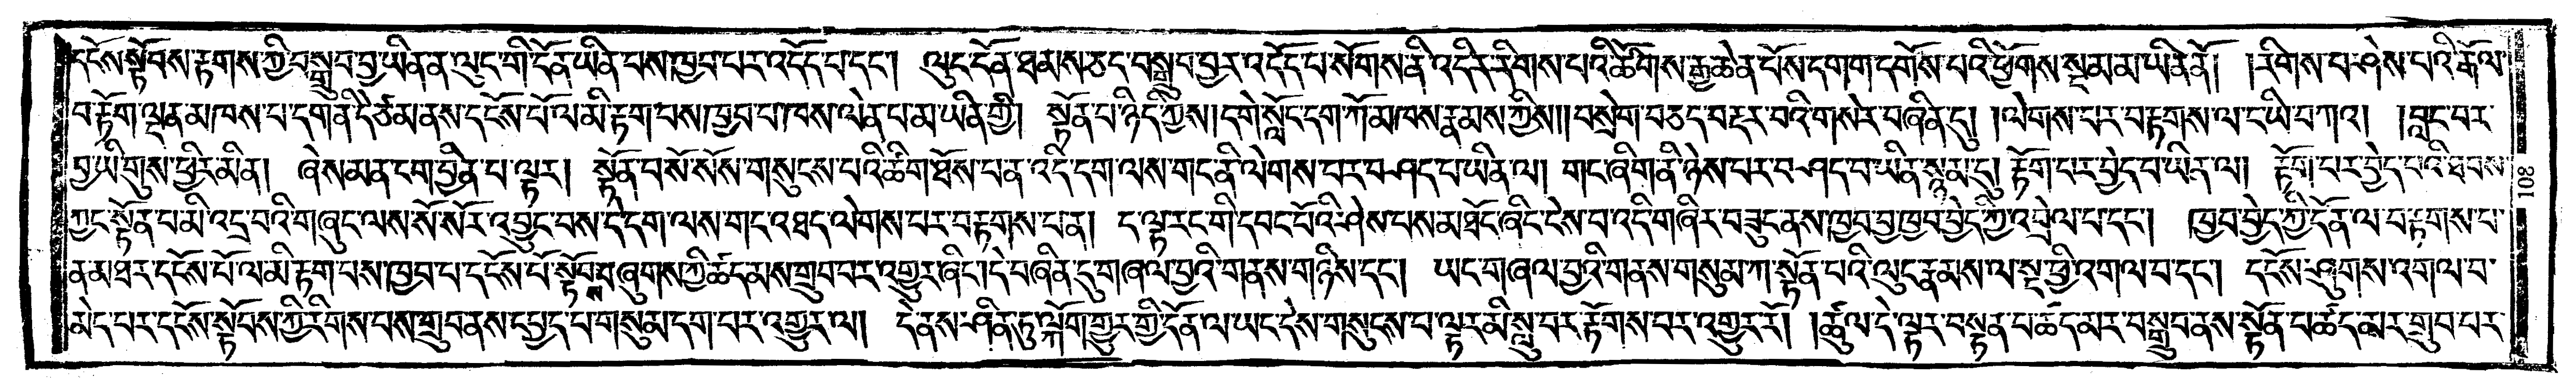དངོས་སྟོབས་རྟགས་ཀྱི་བསྒྲུབ་བྱ་ཡིན་ན་ལུང་གི་དོན་ཡིན་པས་ཁྱབ་པར་འདོད་པ་དང་། ལུང་དོན་ཐམས་ཅད་བསྒྲུབ་བྱར་འདོད་པ་སོགས་ནི་འདིར་རིགས་པའི་ཚོགས་རྒྱ་ཆེན་པོས་དགག་དགོས་པའི་ཕྱོགས་སྔམ་མ་ཡིན་ནོ། །རིགས་པ་ཤེས་པའི་རྒོལ་
བ་རྟོག་ལྡན་མཁས་པ་དག་ནི་དེ་ཙམ་ནས་དངོས་པོ་ལ་མི་རྟག་པས་ཁྱབ་པ་ཁས་ལེན་པ་མ་ཡིན་གྱི། སྟོན་པ་ཉིད་ཀྱིས། དགེ་སློང་དག་ཀོ་མཁས་རྣམས་ཀྱིས། །བསྲེག་བཅད་བརྡར་བའི་གསེར་བཞིན་དུ། །ལེགས་པར་བརྟགས་ལ་ང་ཡི་བཀའ། །བླང་བར་
བྱ་ཡི་གུས་ཕྱིར་མིན། ཞེས་མན་ངག་བྱིན་པ་ལྟར། སྟོན་བ་སོ་སོས་གསུངས་པའི་ཚིག་ཐོས་པ་ན་འདི་དག་ལས་གང་ནི་ལེགས་པར་བཤད་པ་ཡིན་ལ། གང་ཞིག་ནི་ཉེས་པར་བཤད་པ་ཡིན་སྙམ་དུ། རྟོག་པར་བྱེད་པ་ཡིན་ལ། རྟོག་པར་བྱེད་པའི་ཐབས་
ཀྱང་སྟོན་པ་མི་འདྲ་བའི་གཞུང་ལས་སོ་སོར་འབྱུང་བས་དེ་དག་ལས་གང་འཐད་ལེགས་པར་བརྟགས་པ་ན། ད་ལྟ་རང་གི་དབང་པོའི་ཤེས་པས་མཐོང་ཞིང་ངེས་བ་འདི་གཞིར་བཟུང་ནས་ཁྱབ་བྱ་ཁྱབ་བྱེད་ཀྱི་འབྲེལ་པ་དང་། ཁྱབ་བྱེད་ཀྱི་དོན་ལ་བརྟགས་པ་
ན་མཐར་དངོས་པོ་ལ་མི་རྟག་པས་ཁྱབ་པ་དངོས་པོ་སྟོབས་བཞུགས་ཀྱི་ཚད་མས་གྲུབ་བར་འགྱུར་ཞིང་། དེ་བཞིན་དུ་གཞལ་བྱའི་གནས་གཉིས་དང་། ཡང་གཞལ་བྱའི་གནས་གསུམ་ཀ་སྟོན་པའི་ལུང་རྣམས་ལ་སྔ་ཕྱི་འགལ་བ་དང་། དངོས་ཤུགས་འགལ་བ་
མེད་པར་དངོས་སྟོབས་ཀྱི་རིགས་པས་གྲུབ་ནས་དཔྱད་པ་གསུམ་དག་པར་འགྱུར་ལ། དེ་ནས་ཤིན་ཏུ་ལྐོག་གྱུར་གྱི་དོན་ལ་ཡང་དེས་གསུངས་པ་ལྟར་མི་སླུ་བར་རྟོགས་པར་འགྱུར་རོ། །ཚུལ་དེ་ལྟར་བསྟན་པ་ཚད་མར་བསྒྲུབ་ནས་སྟོན་པ་ཚད་མར་གྲུབ་པར་